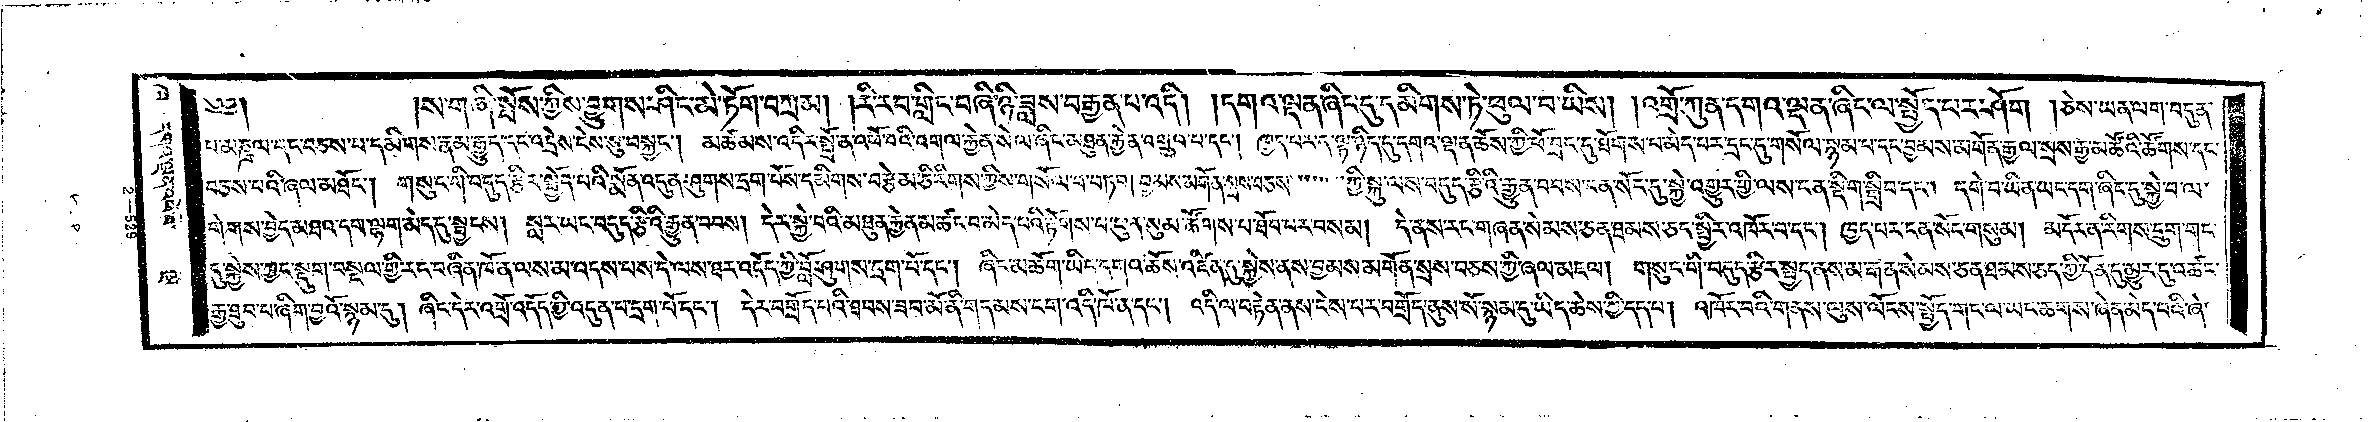༄༅། །ས་གཞི་སྤོས་ཀྱིས་བྱུགས་ཤིང་མེ་ཏོག་བཀྲམ། །རི་རབ་གླིང་བཞི་ཉི་ཟླས་བརྒྱན་པ་འདི། །དགའ་ལྡན་ཞིང་དུ་དམིགས་ཏེ་ཕུལ་བ་ཡིས། །འགྲོ་ཀུན་དགའ་ལྡན་ཞིང་ལ་སྤྱོད་པར་ཤོག །ཅེས་ཡན་ལག་བདུན་
པ་མཎྜལ་དང་བཅས་པ་དམིགས་རྣམ་རྒྱུད་དང་འདྲེས་ངེས་སུ་བསྐྱང་། མཚམས་འདིར་སྤྲོ་ན་འཕོ་བའི་འགལ་རྐྱེན་སེལ་ཞིང་མཐུན་རྐྱེན་འགྲུབ་པ་དང་། ཁྱད་པར་ད་ལྟ་ཉིད་དུ་དགའ་ལྡན་ཆོས་ཀྱི་ཕོ་བྲང་དུ་ཐོགས་པ་མེད་པར་དྲང་དུ་གསོལ་སྙམ་པ་དང་བྱམས་མགོན་རྒྱལ་སྲས་རྒྱ་མཚོའི་ཚོགས་དང་
བཅས་པའི་ཞལ་མཐོང་། གསུང་གི་བདུད་རྩིར་སྤྱོད་པའི་སྨོན་འདུན་ཤུགས་དྲག་པོས་དམིགས་བརྩེ་མ་ཅི་རིགས་ཀྱིས་གསོལ་བ་བཏབ། བྱམས་མགོན་སྲས་བཅས་ཀྱི་སྐུ་ལས་བདུད་རྩིའི་རྒྱུན་བབས་ངན་སོང་དུ་སྐྱེ་འགྱུར་གྱི་ལས་ངན་སྡིག་སྒྲིབ་དང་།དགེ་བ་ཡིན་ཡང་དག་ཞིང་དུ་སྐྱེ་བ་ལ་
གེགས་བྱེད་མཐའ་དག་ལྷག་མེད་དུ་སྦྱངས། སླར་ཡང་བདུད་རྩིའི་རྒྱུན་བབས། དེར་སྐྱེ་བའི་མཐུན་རྐྱེན་མཚང་བ་མེད་པའི་རྟོགས་པ་ཕུན་སུམ་ཚོགས་པ་ཐོབ་པར་བསམ། དེ་ནས་རང་གཞན་སེམས་ཅན་ཐམས་ཅད་སྤྱིར་འཁོར་བ་དང་། ཁྱད་པར་ངན་སོང་གསུམ། མདོར་ན་རིགས་དྲུག་གང་
དུ་སྐྱེས་ཀྱང་སྡུག་བསྔལ་གྱི་རང་བཞིན་ཁོ་ན་ལས་མ་འདས་པས་དེ་ལས་ཐར་འདོད་ཀྱི་བློ་ཤུགས་དྲག་པོ་དང་། ཞིང་མཆོག་ཡིད་དགའ་ཆོས་འཛིན་དུ་སྐྱེས་ནས་བྱམས་མགོན་སྲས་བཅས་ཀྱི་ཞལ་མཇལ། གསུང་གི་བདུད་རྩིར་སྤྱད་ནས་མ་རྒན་སེམས་ཅན་ཐམས་ཅད་ཀྱི་དོན་དུ་མྱུར་དུ་འཚང་
རྒྱ་ཐུབ་པ་ཞིག་བྱའོ་སྙམ་དུ། ཞིང་དེར་འགྲོ་འདོད་ཀྱི་འདུན་པ་དྲག་པོ་དང་། དེར་བགྲོད་པའི་ཐབས་ཟབ་མོ་ནི་གདམས་ངག་འདི་ཁོ་ན་དང་། འདི་ལ་བརྟེན་ནས་ངེས་པར་བགྲོད་ནུས་སོ་སྙམ་དུ་ཡིད་ཆེས་ཀྱི་དད་པ། འཁོར་བའི་གནས་ལུས་ལོངས་སྤྱོད་གང་ལ་ཡང་ཆགས་ཞེན་མེད་པའི་ཞེ་